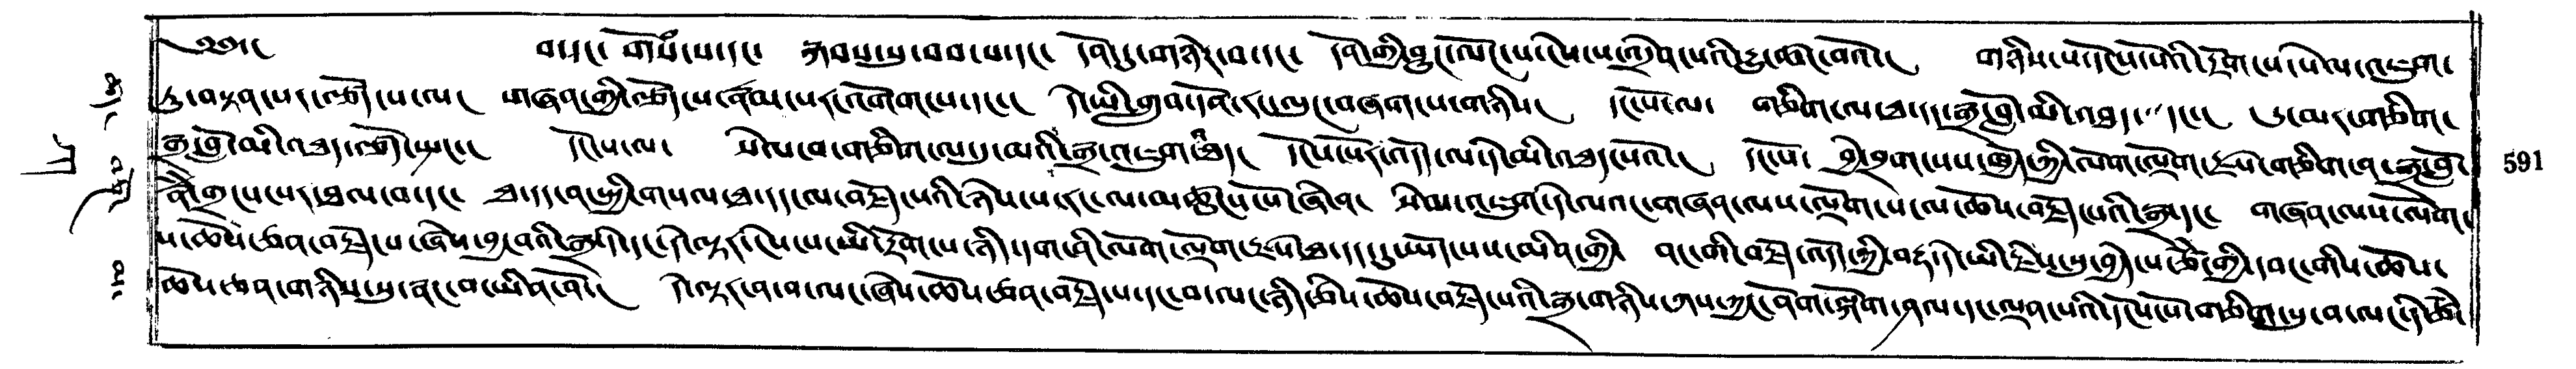བ་དང་། གོམས་པ་དང་། སྐབས་སུ་བབ་པ་དང་། དོན་དུ་གཉེར་བ་དང་། དོན་གྱི་ཤུགས་ལོག་པར་ངེས་པ་འདྲེན་པའི་རྒྱུ་ཚང་བའོ།། གཉིས་པ་དངོས་པོའི་རྟོག་པ་སེལ་འཇུག་
ཏུ་བསྟན་པར་རྩོད་པ་ལ། གཞན་གྱི་རྩོད་པ་རྣམ་པར་འགོག་པ་དང་། །དེ་ཡི་གྲུབ་དོན་རང་ལུགས་བཞག་པ་གཉིས། །དང་པོ་ལ། གཅིག་ལ་ཐ་དད་སྒྲ་བློ་མི་འཐད་དང་། དུ་མར་གཅིག་
སྒྲ་བློ་མི་འཐད་རྩོད་སྤོང་། དང་པོ་ལ། སེལ་བ་གཅིག་ལ་དུ་མའི་སྒྲ་འཇུག་འཐད། །དངོས་པོར་འདོད་ལ་དེ་མི་འཐད་པའོ། །དང་པོ། བྱེ་བྲག་པས་ཁྱོད་ཀྱི་ལོག་ལྡོག་རྫས་གཅིག་ན་སྒྲ་བློ་
རྣམ་གྲངས་པར་ཐལ་བ་དང་། ཐ་དད་ན་སྤྱི་གསལ་ཐ་དད་ལ་བརྗོད་པའི་ཉེས་པ་རང་ལ་མཚུངས་སོ་ཞེ་ན། སེལ་འཇུག་དེ་ལའང་གཞན་ལས་ལྡོག་པ་ལ་ཆོས་བརྗོད་པའི་སྒྲ་དང་། གཞན་ལས་ལོག་
པ་ཆོས་ཅན་བརྗོད་པ་ཞེས་བྱ་བའི་སྒྲ་དེ་དང་དེ་ལྟར་ངེས་པའི་རྟོག་པ་ཉིད་དག་ནི་ལོག་ལྡོག་རྫས་ཐ་དད་དུ་ཡོད་པས་མིན་གྱི ནང་གི་བརྗོད་འདོད་ཀྱི་བརྡ་དེའི་རྗེས་སུ་བྱེད་པ་ཙམ་གྱི་དབང་གིས་ཆོས་
ཆོས་ཅན་གཉིས་སུ་སྣང་བ་ཡིན་ནོ།། དེ་ལྟར་ན་བ་ལང་ཞེས་ཆོས་ཅན་བརྗོད་པ་དང་བ་ལང་ཉིད་ཅེས་ཆོས་བརྗོད་པའི་སྒྲ་གཉིས་ཀས་ཀྱང་ནོག་ལྐོག་ཤལ་དང་ལྡན་པའི་དངོས་པོ་གཅིག་པུ་བ་ལང་དེ་ཙམ་